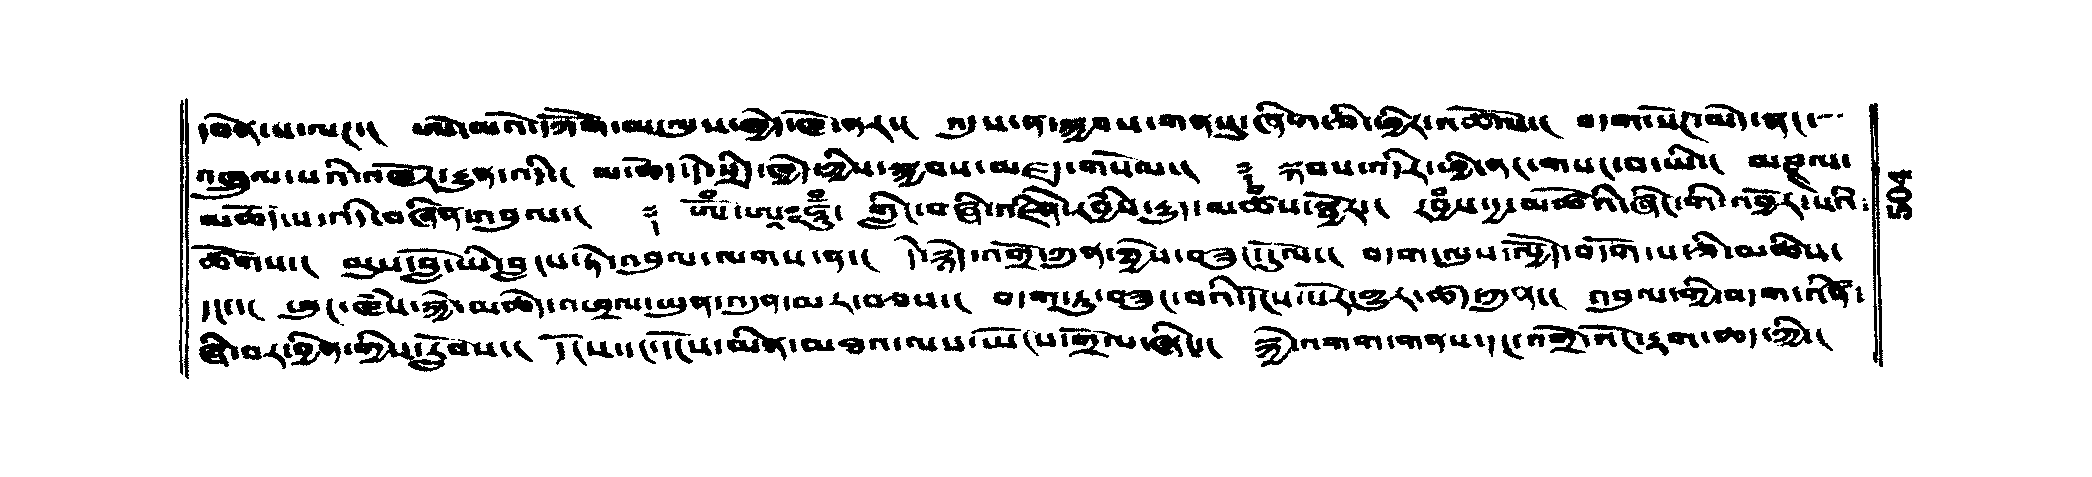དབེན་པ་ལགས། །ཨེ་མ་ཧོ་དཀོན་མཆོག་མ་ལུས་ཁྱོད་ཁོ་ནར། །འདུས་ན་སྐྱབས་གནས་སུ་ཞིག་ཅི་ཕྱིར་འཚོལ། །བདག་སོགས་མེ་སྣང་
འཁྲུལ་བའི་འཁོར་རྒྱུན་འདི། །མ་ཆོད་དེ་སྲིད་ཁྱེད་ཀྱིས་སྐྱབས་མཛད་གསོལ། ། ༈ སྐབས་གཏེར་ཕྱི་ན་གསང་བ་ཡི་ མལ་
མཆོད་པ་འདི་བཞིན་འབུལ་ ཨོྂ་ཨཱཿ་ཧཱུྂ། གླིང་བཞི་འཇིག་རྟེན་རབ་འབྱམས་རྒྱུད་མཚམས་སྦྱོར། །རབ་འབྱམས་རྒྱ་མཚོའི་ཞིང་གི་འབྱོར་པའི་
ཚོགས། །མ་ལུས་བློ་ཡིས་བླངས་ཏེ་འབུལ་ལགས་ན། །དེ་སྙེད་འགྲོ་ཀུན་ཐུགས་རྗེས་བཟུང་དུ་གསོལ། །བདག་ལུས་ལོངས་སྤྱོད་བདོག་པ་ཅི་མཆིས་
དང་། །ཕུང་ཁམས་སྐྱེ་མཆེད་འཕྲལ་ཡུན་འདུན་མར་བཅས། །བདག་ཏུ་བཟུང་བའི་དངོས་པོར་གྱུར་ཚད་ཀུན། །འབུལ་གྱི་བདག་འཛིན་
ཞི་བར་བྱིན་གྱིས་རློབས། །དངོས་དང་དངོས་མིན་མཐའ་ལས་ཡོངས་གྲོལ་ཞིང་། །སྐྱེ་འགག་གནས་དང་འགྲོ་འོང་རྟག་ཆད་ཀྱི། །